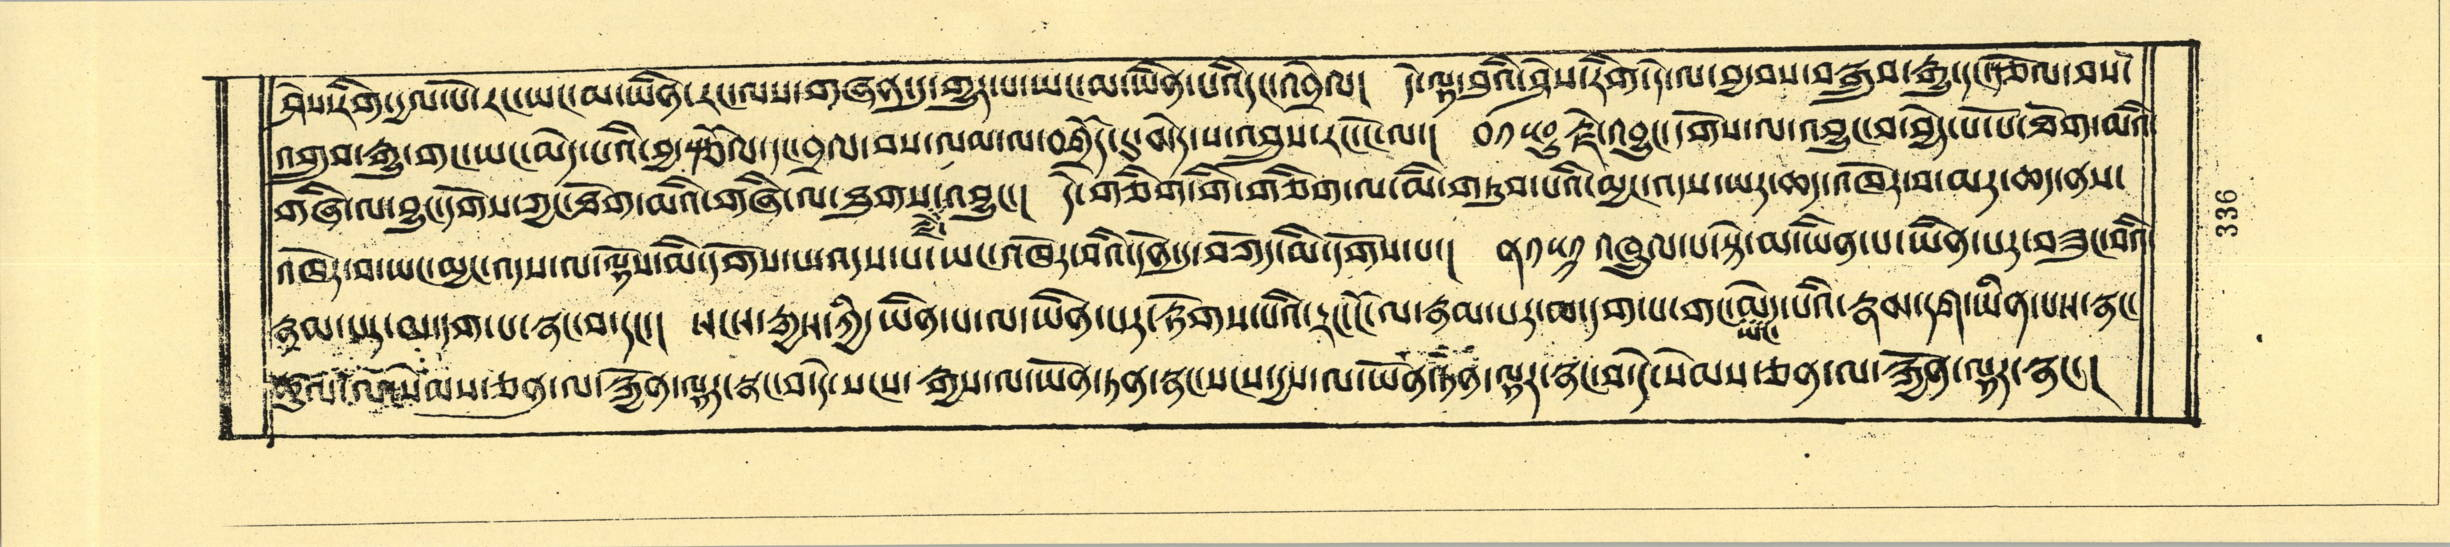ཤེས་རིག་རྒྱལ་པོ་རང་ཡང་མ་ཡིན་རང་ལས་གཞན་དུ་གྱུར་པ་ཡང་མ་ཡིན་པའི་ ༼དང་འབྲེལ་༽དེ་ལྟ་བུའི་ཤེས་རིག་དེ་ལ་བྱ་བས་བསྒྲུབ་རྒྱུ་དང་རྩོལ་བས་
འགྲུབ་རྒྱུ་གང་ཡང་མེད་པའི་བྱ་ ༼སྩོལ་༽དང་ ༼བྲལ་༽བས་ལམ་ལ་ ༼བགྲོད་དུ་མེད་༽པ་འབྲས་བུ་རང་ངོ་ལ། བ༡༥༠།༦ ༼རྗེ་འབྱུང་༽དགོས་ལ་འབྱུང་བ་བྱེད་པ་པོ་ཐོག་མའི་
གཞི་ལ་བྱུང་དགོས་ཀྱང་ཐོག་མའི་གཞི་ལ་ཐུགས་རྗེ་འབྱུང། དེ་གཅིག་གི་གཅིག་ལ་མི་གཏུབ་པའི་མྱང་འདས་ཡར་ཆད་འཁོར་བ་མར་ཆད་ནས་
འཁོར་བ་ཡང་མྱང་འདས་ལ་ལྟོས་མི་དགོས་པ་འདས་པ་ཡང་འཁོར་བའི་དོན་དུ་བཀོད་མི་དགོས་པ། ན༡༥༡།༡ ༼འཁྲུལ་པ་༽སྟེ་མ་ཡིན་པ་ཡིན་པར་བཟུང་བའི་
རྣམ་པར་མ་དག་པ་སྣང་བ་ ༼དང་།༽ ༼སངས་རྒྱས་ཀྱི་༽ཡིན་པ་ལ་ཡིན་པར་རྟོགས་པའི་ ༼རང་ངོ་༽ལ་རྣམ་པར་མ་དག་པ་གང་ཡང་མེད་པའི་ ༼རྣམ་དག་ཡིན་པས་༽སྣང་
ཚུལ་ལ་སེམས་ཅན་ལ་སྐྱོན་ལྟར་སྣང་བ་དེ་སངས་རྒྱས་ལ་ཡོན་ཏན་སྣང་སངས་རྒྱས་ལ་ཡོན་ཏན་ལྟར་སྣང་བ་དེ་སེམས་ཅན་ལ་སྐྱོན་ལྟར་སྣང་